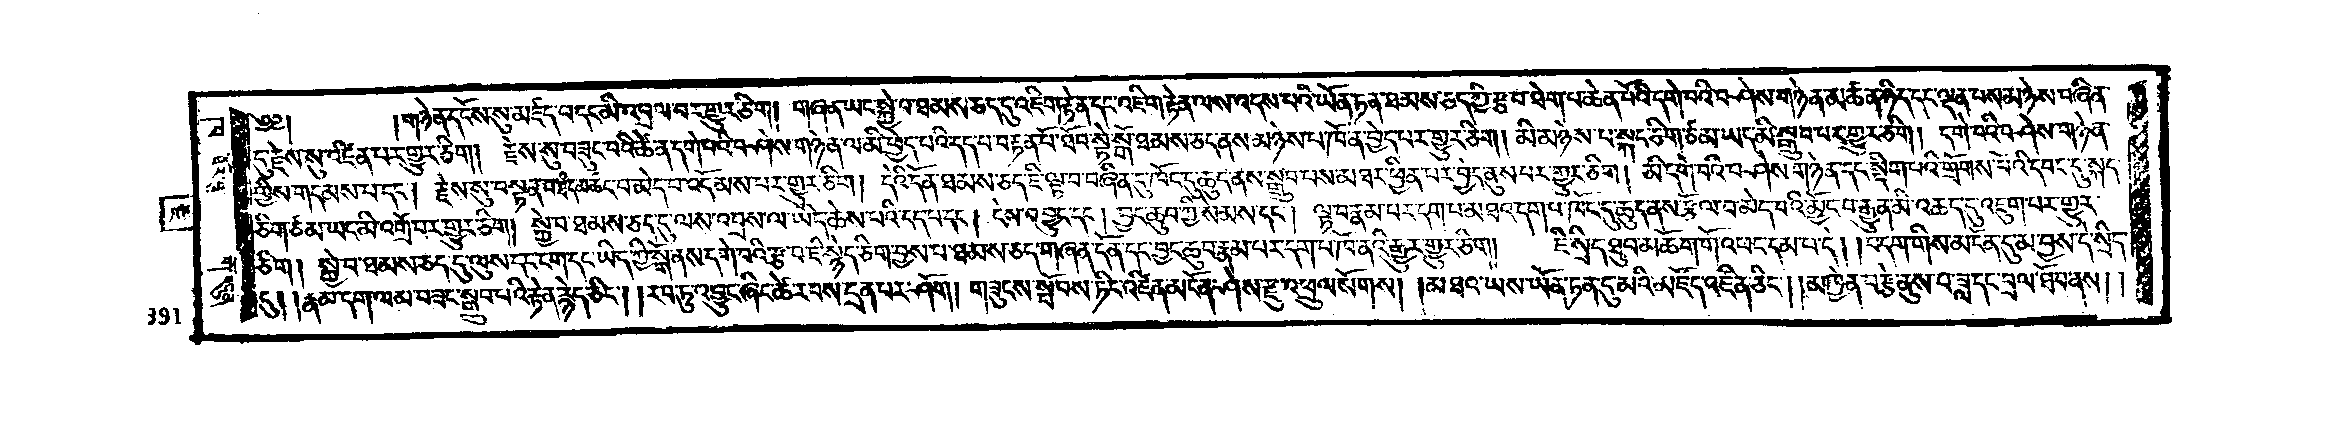༄༅། །གཉེན་དངོས་སུ་མཛད་པ་དང་མི་འབྲལ་བར་གྱུར་ཅིག། གཞན་ཡང་སྐྱེ་བ་ཐམས་ཅད་དུ་འཇིག་རྟེན་དང་འཇིག་རྟེན་ལས་འདས་པའི་ཡོན་ཏན་ཐམས་ཅད་ཀྱི་རྩ་བ་ཐེག་པ་ཆེན་པོའི་དགེ་བའི་བཤེས་གཉེན་མཚན་ཉིད་དང་ལྡན་པས་མཉེས་བཞིན་
དུ་རྗེས་སུ་འཛིན་པར་གྱུར་ཅིག། རྗེས་སུ་བཟུང་བའི་ཚེ་ན་དགེ་བའི་བཤེས་གཉེན་ལ་མི་ཕྱེད་པའི་དད་པ་བརྟན་པོ་ཐོབ་སྟེ་སྒོ་ཐམས་ཅད་ནས་མཉེས་པ་ཁོ་ན་བྱེད་པར་གྱུར་ཅིག། མི་མཉེས་པ་སྐད་ཅིག་ཙམ་ཡང་མི་སྒྲུབ་པར་གྱུར་ཅིག། དགེ་བའི་བཤེས་གཉེན་
གྱིས་གདམས་པ་དང་། རྗེས་སུ་བསྟན་པ་ཐམས་ཅད་མ་ཚང་བ་མེད་པ་འདོམས་པར་གྱུར་ཅིག། དེའི་དོན་ཐམས་ཅད་ཇི་ལྟ་བ་བཞིན་དུ་ཁོང་དུ་ཆུད་ནས་སྒྲུབ་པས་མཐར་ཕྱིན་པར་བྱེད་ནུས་པར་གྱུར་ཅིག། མི་དགེ་བའི་བཤེས་གཉེན་དང་སྡིག་པའི་གྲོགས་པོའི་དབང་དུ་སྐད་
ཅིག་ཙམ་ཡང་མི་འགྲོ་བར་གྱུར་ཅིག། སྐྱེ་བ་ཐམས་ཅད་དུ་ལས་འབྲས་ལ་ཡིད་ཆེས་པའི་དད་པ་དང་། ངེས་འབྱུང་དང་། བྱང་ཆུབ་ཀྱི་སེམས་དང་། ལྟ་བ་རྣམ་པར་དག་པ་མཐའ་དག་པ་ཁོང་དུ་ཆུད་ནས་རྩོལ་བ་མེད་པའི་མྱོང་བ་རྒྱུན་མི་འཆད་དུ་འཇུག་པར་གྱུར་
ཅིག། སྐྱེ་བ་ཐམས་ཅད་དུ་ལུས་དང་ངག་དང་ཡིད་ཀྱི་སྒོ་ནས་དགེ་བའི་རྩ་བ་ཇི་སྙེད་ཅིག་བྱས་པ་ཐམས་ཅད་གཞན་དོན་དང་བྱང་ཆུབ་རྣམ་པར་དག་པ་ཁོ་ནའི་རྒྱུར་གྱུར་ཅིག། ཇི་སྲིད་ཐུབ་མཆོག་གོ་འཕང་དམ་པ་དེ། །བདག་གིས་མངོན་དུ་མ་བྱས་དེ་སྲིད་
དུ། །རྣམ་དག་ལམ་བཟང་སྒྲུབ་པའི་རྟེན་རྙེད་ཅིང་། །རབ་ཏུ་འབྱུང་ཞིང་ཚེ་རབས་དྲན་པར་ཤོག། གཟུངས་སྤོབས་ཏིང་འཛིན་མངོན་ཤེས་རྫུ་འཕྲུལ་སོགས། །མཐའ་ཡས་ཡོན་ཏན་དུ་མའི་མཛོད་འཛིན་ཅིང་། །མཁྱེན་བརྩེ་ནུས་པ་ཟླ་དང་བྲལ་ཐོབ་ནས། །